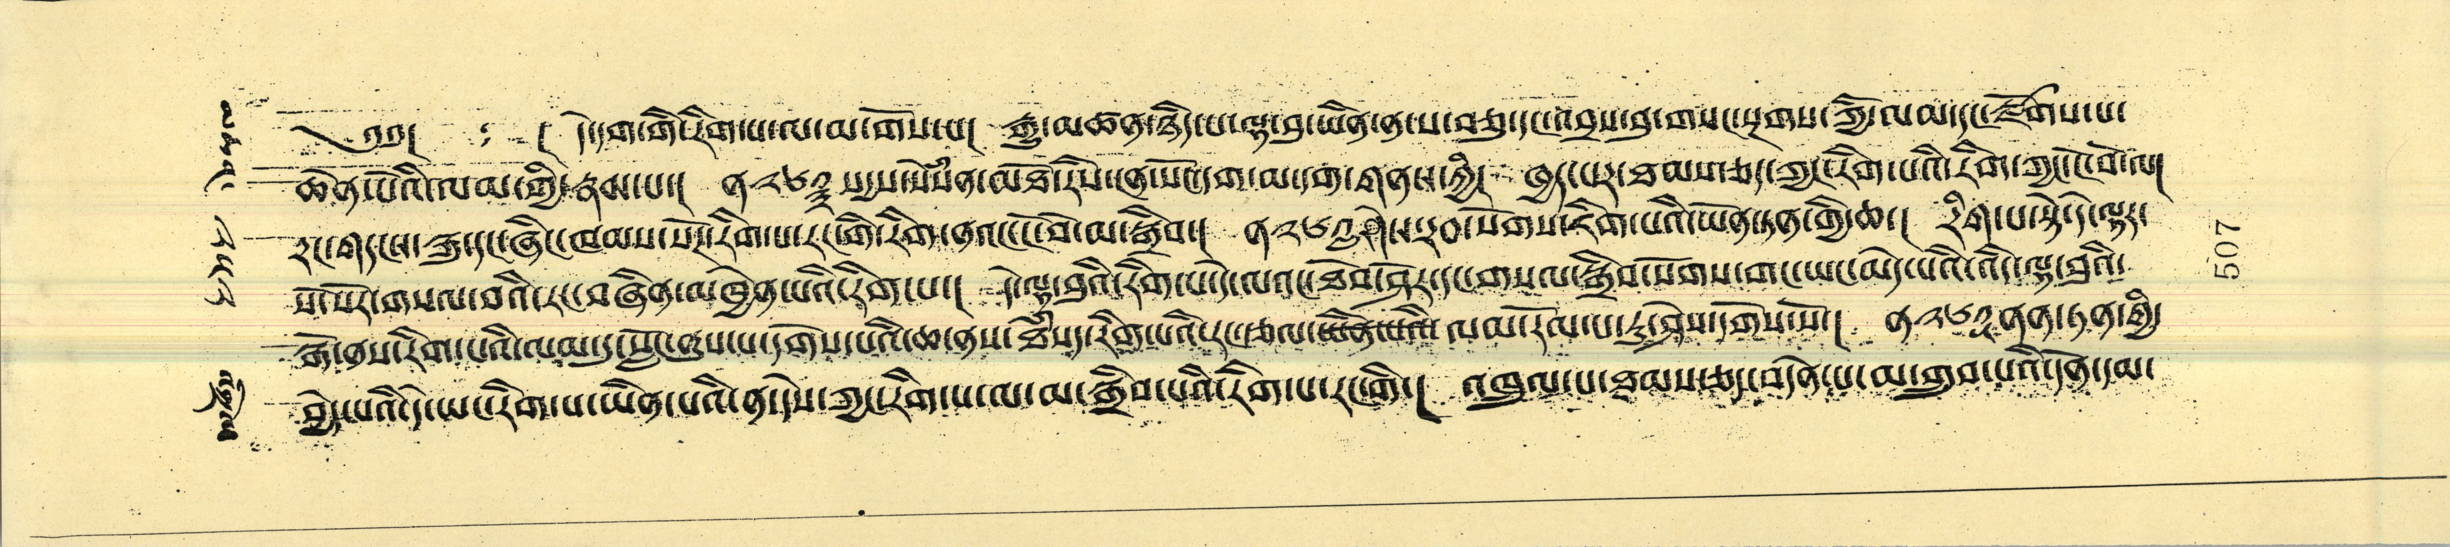དེ་དག་གི་རིག་པ་ལ་མ་གོས་པ། རྒྱུ་མཚན་ཉིད་པ་ལྟ་བུ་ཡིན་ན་ས་བཅུ་དང་འབྲས་བུ་གསང་སྔགས་ཀྱི་ལམ་དང་རྫོགས་པ་
ཆེན་པོའི་ལམ་གྱི་རྣམ་པ་ ན༢༦༡།༣སངས་རྒྱས་སེམས་ཅན་མཐོ་རིས་ངན་སོང་དག་མ་དག་གནས་ཀྱི་ ཁྱད་པར་ཐམས་ཅད་ཀྱང་རིག་པའི་ངོ་བོ་ལ་
རང་གདངས་སྐུ་དང་ཞིང་ཁམས་སོགས་རིག་པ་རང་གི་རིག་ནའང་མ་སྒྲིབ། ན༢༦༡།༤ཤེས་རབ་སོགས་རིག་པའི་ཡོན་ཏན་གྱི་ཆ་ རིག་པ་སྟེ་དེ་ལྟར་
སོ་སོར་གསལ་བའི་རང་བཞིན་མཁྱེན་པའི་རིག་པ། དེ་ལྟ་བུའི་རིག་པ་དེ་ལའང་ཐོབ་ཤོར་དང་གསལ་སྒྲིབ་སོགས་གང་ཡང་མེད་པའི་འདི་ལྟ་བུའི་
སྒོ་ནས་རིག་པའི་ལམ་དུ་སློང་ནུས་པ་དགོས་པའི་ཆ་ནས་ཐམས་ཅད་རིག་པའི་རང་རྩལ་ལམ་རོལ་པ་རུ་ཤེས་དགོས་སོ། ན༢༦༡།༥ནན་ཏན་གྱི་
བྱེད་པའི་དེ་ཡང་རིག་པ་ཡིན་པའི་ན་དེས་ཀྱང་རིག་པ་ལ་མ་སྒྲིབ་པའི་རིག་པ་རང་གི། འཁྲུལ་པ་ཐམས་ཅད་བདེན་པ་མ་གྲུབ་པའི་དོན་དམ་